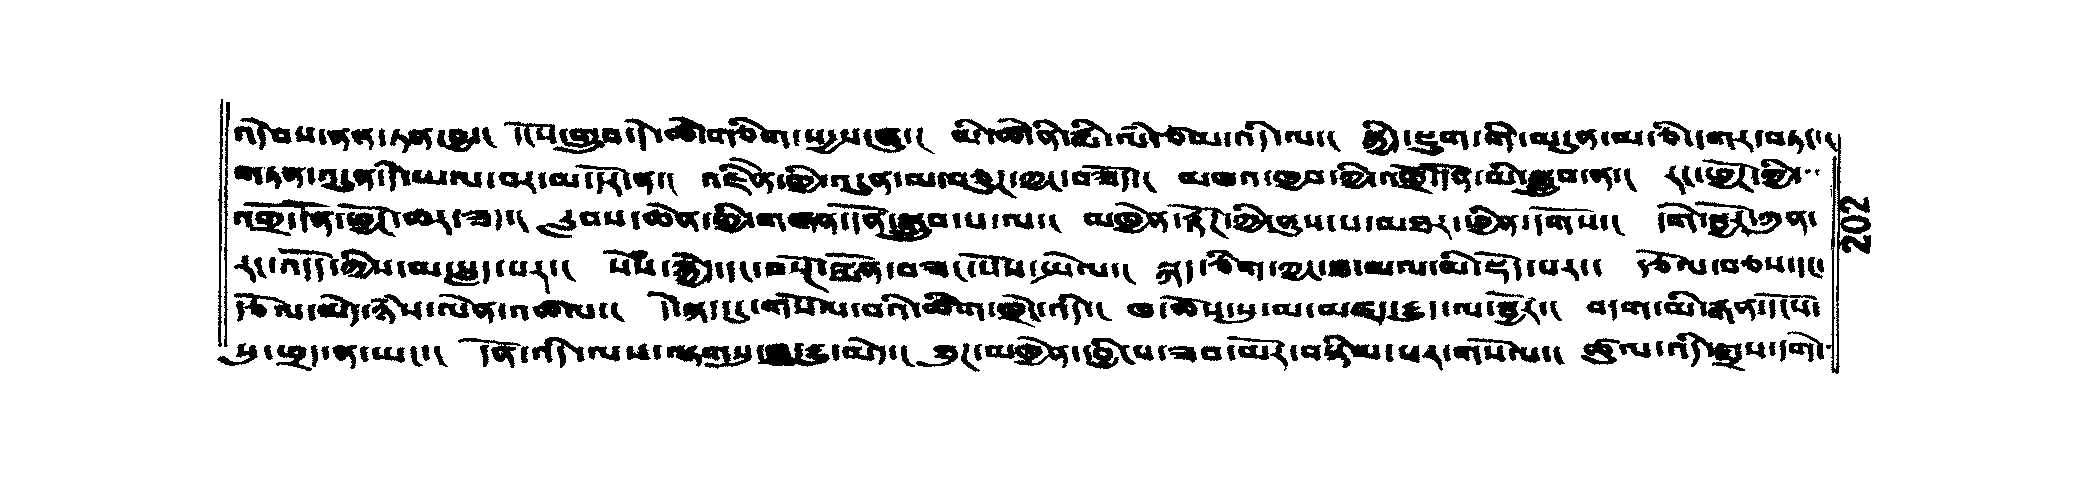འདེབས་ནན་ཏན་བྱ། །དངོས་གྲུབ་དེ་ཚེ་གཅིག་སངས་རྒྱས་ཞུ། །མི་ཚེ་ནི་རྨི་ལམ་ཙམ་འདི་ལ། །སྐྱིད་སྡུག་གི་མདུན་མ་ཅི་དགའ་བཏང་། །
གཏན་འདུན་དེ་ཡལ་བར་མ་དོར་ན། །འཇིག་རྟེན་གྱི་འདུན་མ་འཆུགས་ཀྱང་བཟོད། །མཁའ་ཁྱབ་ཀྱི་འགྲོ་དོན་མི་སྒྲུབ་ན། །རང་ཕྱོགས་ཀྱི་
འགྲོ་དོན་ཕྱོགས་ཆར་ཟད། །རླབས་ཆེན་གྱི་གཞན་དོན་སྒྲུབ་པ་ལ། །མཁྱེན་རྟོགས་ཀྱི་ནུས་པ་མཐར་ཕྱིན་དགོས། དགེ་སྦྱོར་ཀུན་
རང་འདོད་ཀྱིས་མ་སླད་པར། །སེམས་སྐྱེད་དང་བསྔོ་སྨོན་བཟང་པོས་སྤེལ། །སྐད་ཅིག་ཀྱང་ཐ་མལ་མི་སྡོད་པར། །རྩོལ་བཅས་དང་
རྩོལ་མེད་ཉམས་ལེན་འཚལ། །དེ་སྐད་དུ་གསོལ་བའི་ཚིག་ཕྲེང་འདི། །ཁ་ཆོས་སུ་མ་མཛད་རྒྱུད་ལ་སྦྱོར། །བདག་མི་རྒན་དངོས་
སུ་ཕྲད་ན་ཡང་། །དོན་འདི་ལས་ལྷག་པ་ཞུ་རྒྱུ་མེད། །ཐུགས་མཁྱེན་དབྱིངས་ཟབ་མོར་བསྟིམ་པར་གསོལ། །ཚུལ་འདི་སྨྲས་དགེ་